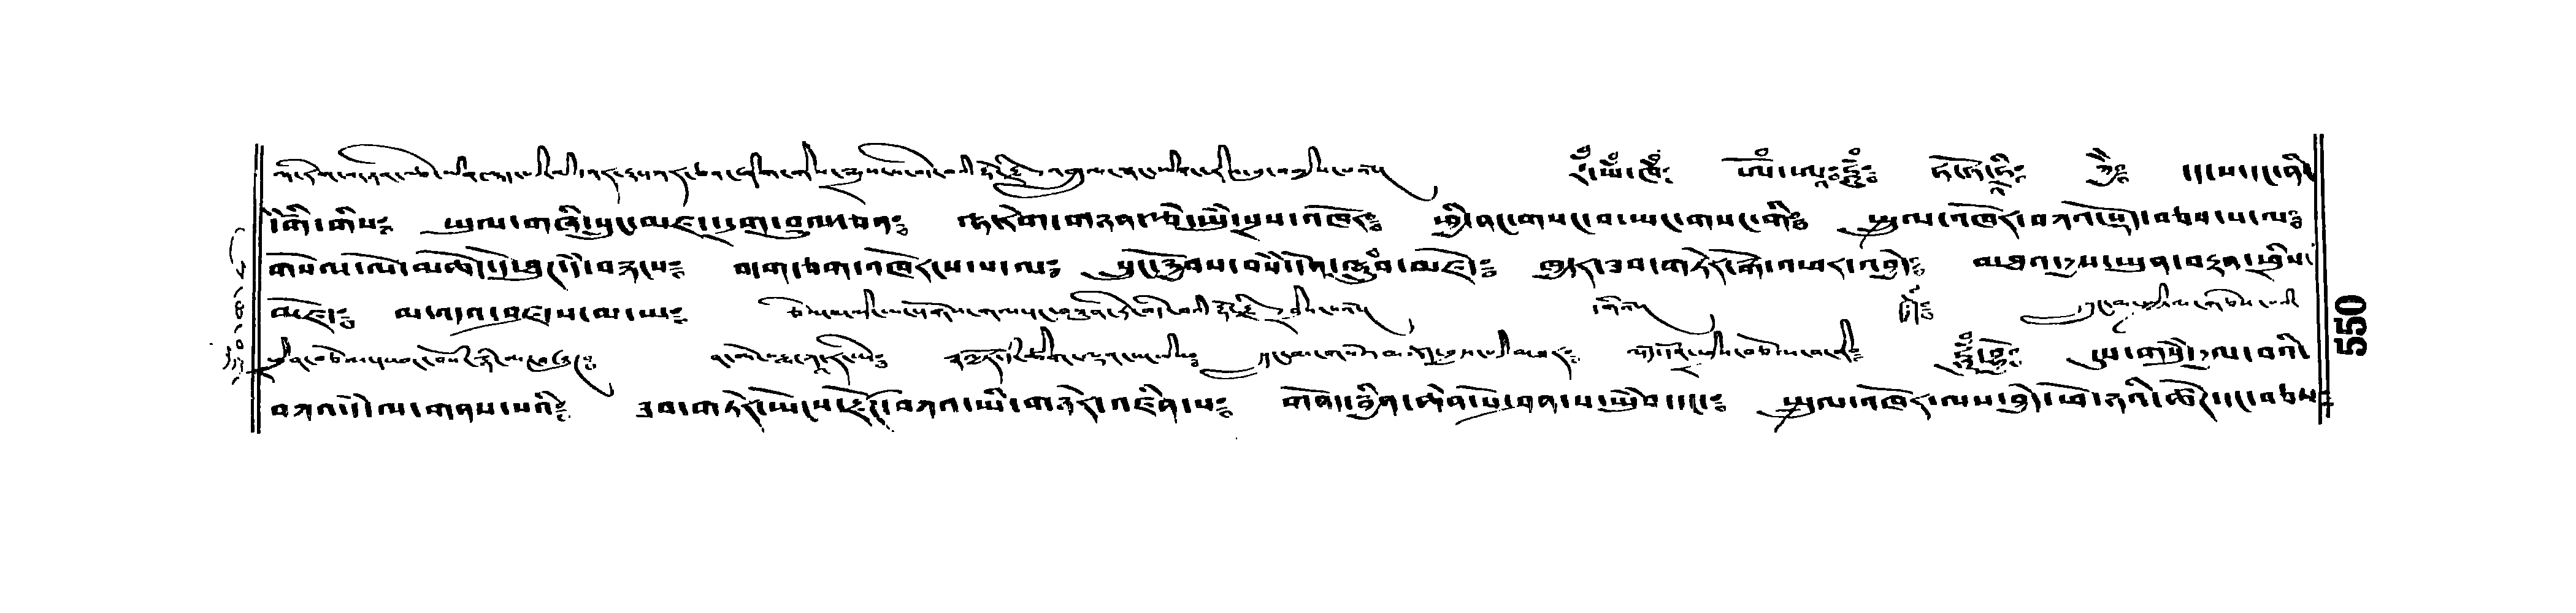ལྟ་རེག་གཉན་རྩེ་ཡིན་སྐད་པའི་མི་དཀར་རྟ་དཀར་ཅན་ཞིག་གིས་སྨྲས་པ་བདེ་བའི་རྡོ་རྗེས་འཁྲུལ་སྣང་ཡིག་རིས་སུ་བགྱིས་པའོ། རྃ་ཡྃ་ཁྃ༔ ཨོཾ་ཨཱཿཧཱུྃ༔ ཧ་ཧོ་ཧྲཱིཿ ཀྱཻ༔ དད་པ་དང་ནི་
དམ་ཚིག་གིས༔ ཡུལ་གཞི་སྲུང་མཛད་དྲག་ཤུལ་ཅན༔ ལྷ་རེག་གཉན་རྩེ་ཡུམ་སྲས་འཁོར༔ ཕྱི་ནང་གསང་བ་ཡང་གསང་གི༔ སྤྲུལ་འཁོར་བཀའ་སྡོད་བཅས་པ་ལ༔ 
གསོལ་ལོ་མཆོད་དོ་ཐུགས་དམ་བསྐངས༔ བདག་ཅག་འཁོར་དང་བཅས་པ་ལ༔ སྲུང་སྐྱོབ་བསམ་དོན་ལྷུན་གྲུབ་མཛོད༔ ཁྱད་པར་ཟབ་གཏེར་སྒོ་འཕར་འབྱེད༔ མཐའ་རྒྱས་ཡུན་བརྟན་ཕྲིན་ལས་
མཛོད༔ མ་འདའ་བཛྲ་ས་མ་ཡ༔ ཅེས་པ་འདི་ཡང་དགོས་གལ་དང་བསྟུན་ཏེ་བདེ་བའི་རྡོ་རྗེས་བྲིས་པའོ།། དགེའོ།། སྲུང་མ་སྤྱི་ལ་གཅེས་པའི་
ཕྲིན་བཅོལ་དཔག་བསམ་སྙེ་མ་བཞུགས༔ ན་མོ་པདྨ་ཀཱ་ར་ཡེ༔ རྣལ་འབྱོར་དམ་ཚིག་ལྡན་པ་ཡིས༔ སྲུང་མ་གསོལ་མཆོད་བྱས་པའི་མཐར༔ འདོད་དོན་ཕྲིན་ལས་བཅོལ་བ་ནི༔ ཧཱུྃ་བྷྱོཿ དུས་གསུམ་རྒྱལ་བའི་
བཀའ་དམ་ལ་གནས་པའི༔ ཟབ་གཏེར་ཡོངས་རྫོགས་བཀའ་ཡི་གཉེར་འཛིན་པ༔ གནོད་སྦྱིན་ཆེན་པོ་ཤན་པ་ཡབ་ཡུམ་དང༔ སྤྲུལ་འཁོར་ལས་བྱེད་ཕོ་ཉའི་ཚོགས་དང་བཅས༔